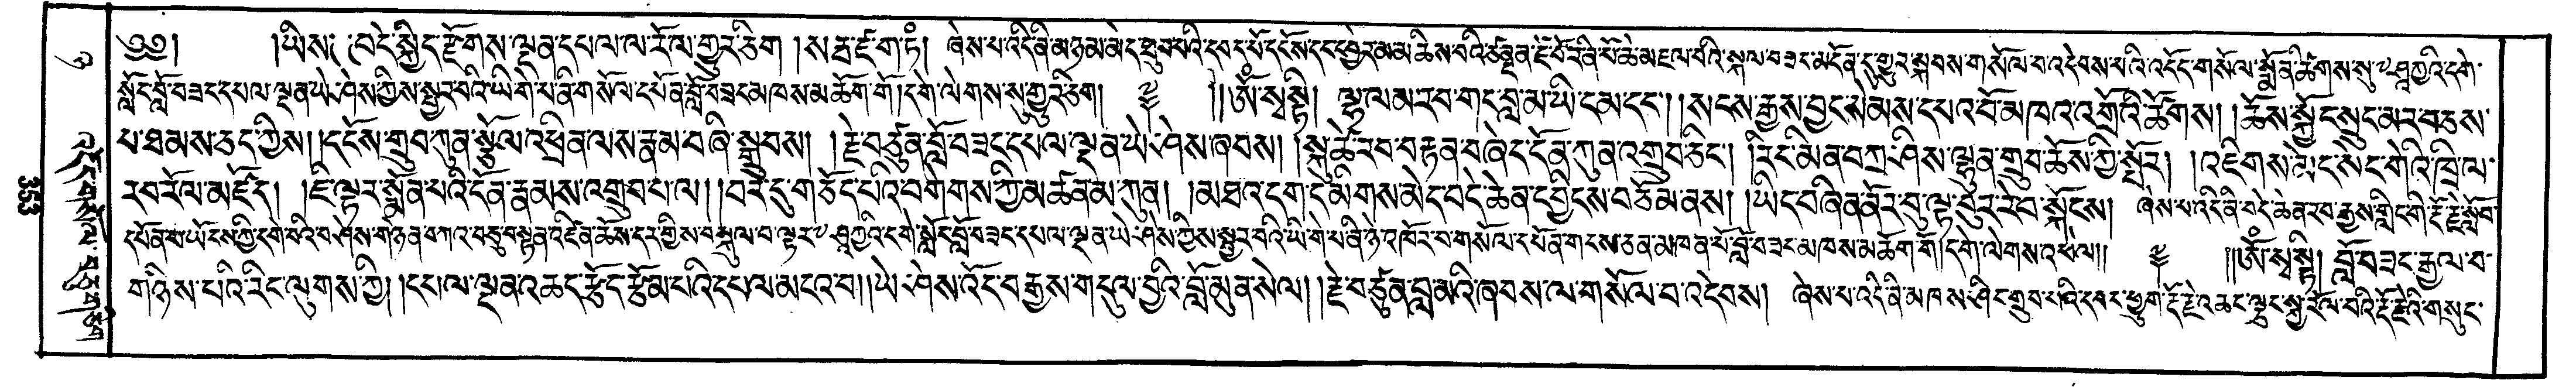༄༅། །ཡིས༑ ༑བདེ་སྐྱིད་རྫོགས་ལྡན་དཔལ་ལ་རོལ་གྱུར་ཅིག །སརྦ་ཛ་ག་ཏཾ། ཞེས་པ་འདི་ནི་མཉམ་མེད་ཐུབ་པའི་དབང་པོ་དངོས་དང་དབྱེར་མ་མཆིས་པའི་ཙནྡན་ཇོ་བོ་རིན་པོ་ཆེ་མངལ་བའི་སྐལ་བཟང་མངོན་དུ་གྱུར་སྐབས་གསོལ་བ་འདེབས་པའི་འདོད་གསོལ་སྨོན་ཚིགས་སུ་ཤཱཀྱའི་དགེ་
སློང་བློ་བཟང་དཔལ་ལྡན་ཡེ་ཤེས་ཀྱིས་སྦྱར་བའི་ཡི་གེ་པ་ནི་གསོལ་དཔོན་བློ་བཟང་མཁས་མཆོག་གོ །དགེ་ལེགས་སུ་གྱུར་ཅིག། ༈ །།ཨོཾ་སྭསྟི། ལྷ་ལམ་རབ་གང་བླ་མ་ཡི་དམ་དང་། །སངས་རྒྱས་བྱང་སེམས་དཔའ་བོ་མཁའ་འགྲོའི་ཚོགས། །ཆོས་སྐྱོང་སྲུང་མར་བཅས་
པ་ཐམས་ཅད་ཀྱིས། །དངོས་གྲུབ་ཀུན་སྩོལ་འཕྲིན་ལས་རྣམ་བཞི་སྒྲུབས། །རྗེ་བཙུན་བློ་བཟང་དཔལ་ལྡན་ཡེ་ཤེས་ཞབས། །སྐུ་ཚེ་རབ་བརྟན་བཞེད་དོན་ཀུན་འགྲུབ་ཅིང་། །རིང་མིན་བཀྲ་ཤིས་ལྷུན་གྲུབ་ཆོས་ཀྱི་སྤོང་། །འཇིགས་མེད་སེང་གེའི་ཁྲིལ་
རབ་རོལ་མཛོད། །ཇི་ལྟར་སྨོན་པའི་དོན་རྣམས་འགྲུབ་པ་ལ། །བར་དུ་གཅོད་པའི་བགེགས་ཀྱི་མཚན་མ་ཀུན། །མཐའ་དག་དམིགས་མེད་བདེ་ཆེན་དབྱིངས་བཅོམ་ནས། །ཡིད་བཞིན་ནོར་བུ་ལྟ་བུར་རེ་བ་སྐོངས། ཞེས་པ་འདི་ནི་བདེ་ཆེན་རབ་རྒྱས་གླིང་གི་རྡོ་རྗེ་སློབ་
དབོན་པ་ཡོངས་ཀྱི་དགེ་བའི་བཤེས་གཉེན་བཀའ་བཅུ་བསྟན་འཛིན་ཆོས་དར་གྱིས་བསྐུལ་བ་ལྟར་ཤཱཀྱའི་དགེ་སློང་བློ་བཟང་དཔལ་ལྡན་ཡེ་ཤེས་ཀྱིས་སྦྱར་བའི་ཡི་གེ་པ་ནི་ཉེ་འཁོར་བ་གསོལ་དཔོན་གངས་ཅན་མཁན་པོ་བློ་བཟང་མཁས་མཆོག་གོ །དགེ་ལེགས་འཕེལ།། ༈ །།ཨོཾ་སྭསྟི། བློ་བཟང་རྒྱལ་བ་
གཉིས་པའི་རིང་ལུགས་ཀྱི། །དཔལ་ལྡན་འཆད་རྩོད་རྩོམ་པའི་དཔལ་མངའ་བ། །ཡེ་ཤེས་འོད་བརྒྱས་གདུལ་བྱའི་བློ་མུན་སེལ། །རྗེ་བཙུན་བླ་མའི་ཞབས་ལ་གསོལ་བ་འདེབས། ཞེས་པ་འདི་ནི་མཁས་ཤིང་གྲུབ་པའི་དབང་ཕྱུག་རྡོ་རྗེ་འཆང་ལྕང་སྐྱ་རོལ་པའི་རྡོ་རྗེའི་གསུང་